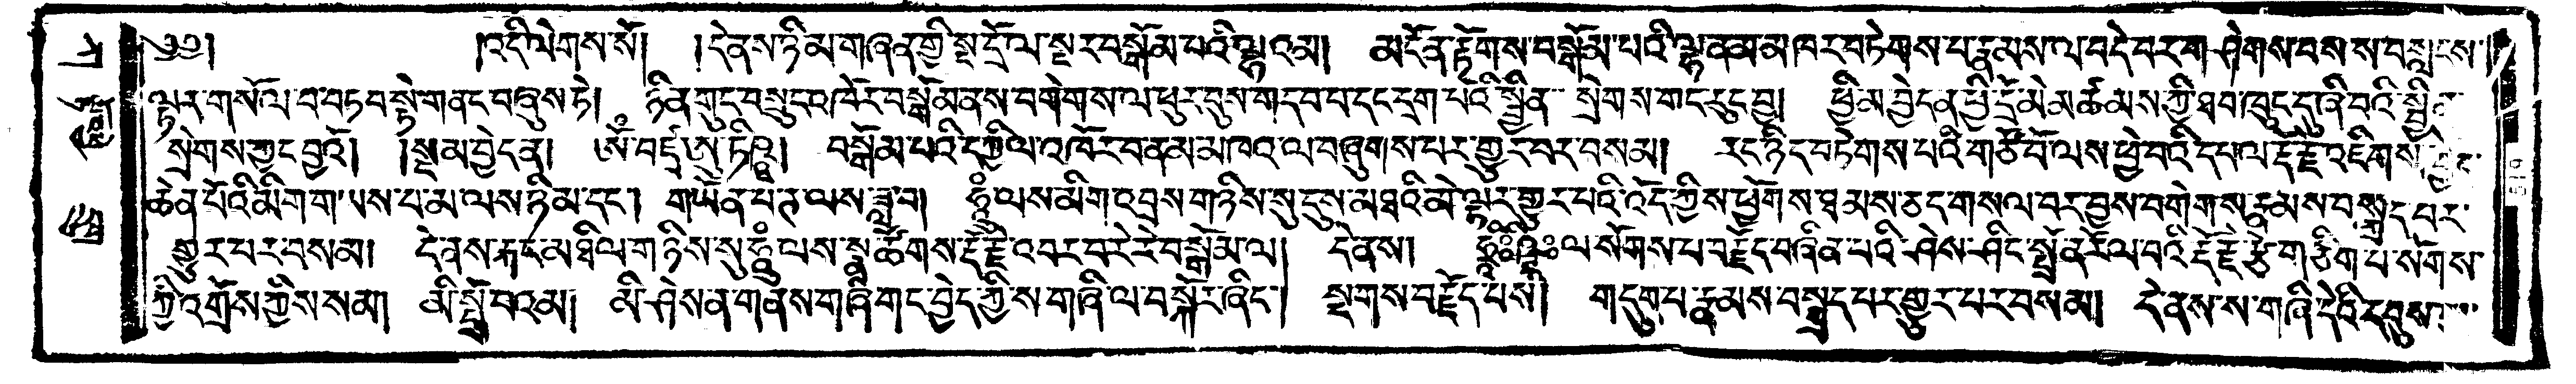༄༅། །འདི་ལེགས་སོ། །དེ་ནས་ཉི་མ་གཞན་གྱི་སྔ་དྲོ་ལ་སྔར་བསྒོམ་པའི་ལྷའམ། མངོན་རྟོགས་བསྒོམ་པའི་ལྷ་ནམ་མཁར་བཏེགས་པ་རྣམས་ལ་བདེ་བར་གཤེགས་བས་ས་བསླངས།
ལྟར་གསོལ་བ་བཏབ་སྟེ་གནང་བཞུས་ཏེ། ཉིན་གུང་བསྲུང་འཁོར་བསྒོམ་ནས་བགེགས་ལ་ཕུར་བུས་གདབ་པ་དང་དྲག་པོའི་སྦྱིན་སྲེགས་གང་རུང་བྱ། ཕྱི་མ་བྱེད་ན་ཕྱི་དྲོ་མེ་མཚམས་ཀྱི་ཐབ་ཁུང་དུ་ཞི་བའི་སྦྱིན་
སྲེགས་ཀྱང་བྱའོ། །སྔམ་བྱེད་ན། ཨོཾ་བཛྲ་ཨུ་ཏི་ཥཊཿཨ། བསྒོམ་པའི་དཀྱིལ་འཁོར་བ་ནམ་མཁའ་ལ་བཞུགས་པར་གྱུར་བར་བསམ། རང་ཉིད་བཏེགས་པའི་གཙོ་བོ་ལས་ཕྱེ་བའི་དཔལ་རྡོ་རྗེ་འཇིགས་བྱེད་
ཆེན་པོའི་མིག་གཡས་པ་མ་ལས་ཉི་མ་དང་། གཡོན་པ་ཊ་ལས་ཟླ་པ། ཧཱུཾ་ལས་མིག་འབྲས་གཉིས་སུ་དུས་མཐའི་མེ་ལྟར་གྱུར་པའི་འོད་ཀྱིས་ཕྱོགས་ཐམས་ཅད་གསལ་བར་བྱས་བགེགས་རྣམས་བསྐྲད་པར་
གྱུར་པར་བསམ། དེ་ནས་རྐང་མཐིལ་གཉིས་སུ་ཧཱུཾ་ལས་སྣ་ཚོགས་རྡོ་རྗེ་འབར་བ་རེ་རེ་བསྒོམ་ལ། དེ་ནས། ཧྲཱིཿ ཥྚཱི?H ལ་སོགས་པ་བརྗོད་བཞིན་པའི་ཤེས་ཤིང་སྤྲོན་རོལ་བའི་རྡོ་རྗེ་རྩེ་གཅིག་པ་སོགས་
ཀྱི་འགྲོས་ཀྱིས་སམ། མི་སྤྲོ་སམ། མི་སྤྲོ་བའམ། མི་ཤེས་ན་གནས་གཞི་གང་བྱེད་ཀྱིས་གཞི་ལ་བསྐོར་ཞིང་། སྔགས་བརྗོད་པས། གདུག་པ་རྣམས་བསྒྲད་པར་གྱུར་པར་བསམ། དེ་ནས་ས་གཞི་དེའི་དབུས་ལ།